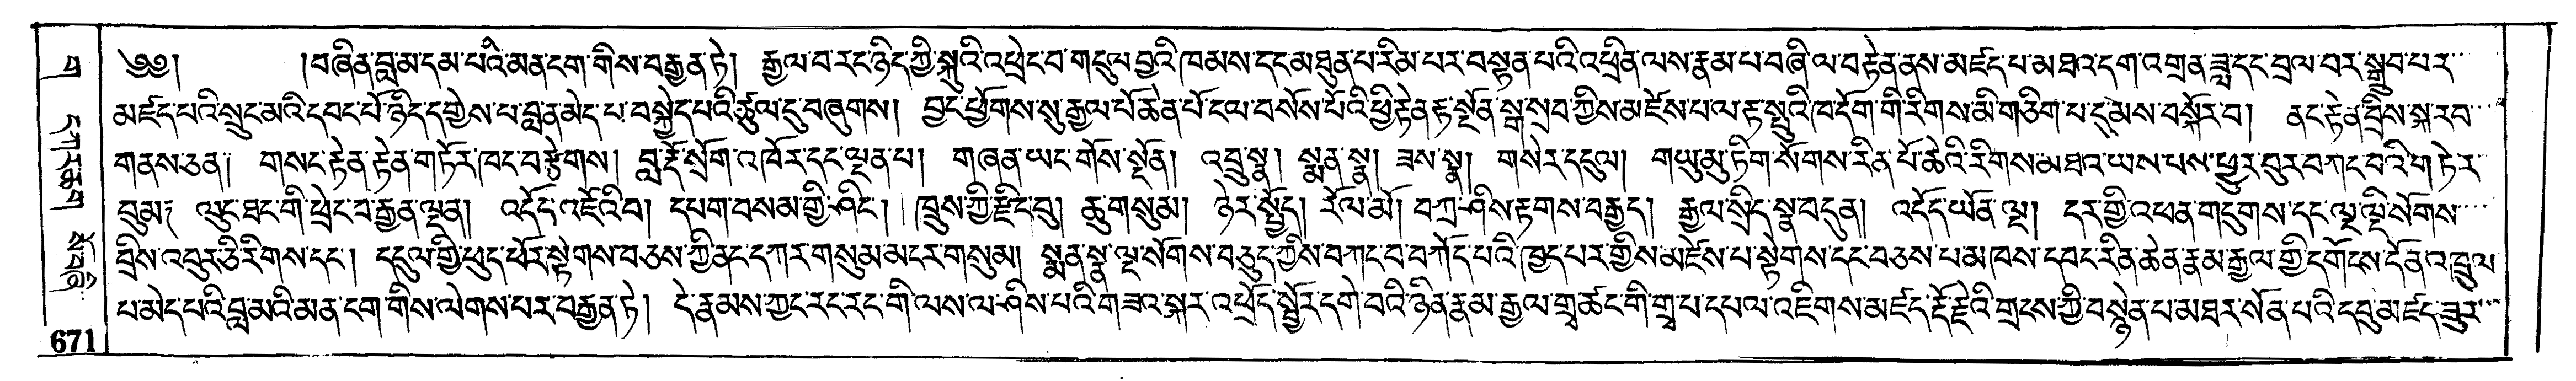༄༅། །བཞིན་བླ་མ་དམ་པའི་མན་ངག་གིས་བརྒྱན་ཏེ། རྒྱལ་བ་རང་ཉིད་ཀྱི་སྐུའི་འཕྲེང་བ་གདུལ་བྱའི་ཁམས་དང་མཐུན་པ་རིམ་པར་བསྟན་པའི་འཕྲིན་ལས་རྣམ་པ་བཞི་ལ་བརྟེན་ནས་མཛད་པ་མཐའ་དག་འགྲན་ཟླ་དང་བྲལ་བར་སྒྲུབ་པར་
མཛད་པའི་སྲུང་མའི་དབང་པོ་ཉིད་དགྱེས་པ་བླ་ན་མེད་པ་བསྐྱེད་པའི་ཚུལ་དུ་བཞུགས། བྱང་ཕྱོགས་སུ་རྒྱལ་པོ་ཆེན་པོ་ངལ་བསོས་པོའི་ཕྱི་རྟེན་རྟ་སྔོན་སྒ་སྲབ་ཀྱིས་མཛེས་པ་ལ་རྟ་སྤུའི་ཁ་དོག་གི་རིགས་མི་གཅིག་པ་དུ་མས་བསྐོར་བ། ནང་རྟེན་བྲིས་སྐུ་རབ་
གནས་ཅན། གསང་རྟེན་རྟེན་གཏོར་ཁང་བརྩེགས། བླ་རྡོ་སྲོག་འཁོར་དང་ལྡན་པ། གཞན་ཡང་གོས་སྔོན། འབྲུ་སྣ། སྨན་སྣ། ཟས་སྣ། གསེར་དངུལ། གཡུ་མུ་ཏིག་སོགས་རིན་པོ་ཆེའི་རིགས་མཐའ་ཡས་པས་ཕྱུར་བུར་བཀང་བའི་གཏེར་
བུམ༑ ལུང་ཐང་གི་ཕྲེང་བརྒྱན་ལྡན། འདོད་འཇོའི་བ། དཔག་བསམ་གྱི་ཤིང་། ཁྲུས་ཀྱི་རྫིང་བུ། ཆུ་གསུམ། ཉེར་སྤྱོད། རོལ་མོ། བཀྲ་ཤིས་རྟགས་བརྒྱད། རྒྱལ་སྲིད་སྣ་བདུན། འདོད་ཡོན་ལྔ། དར་གྱི་འཕན་གདུགས་དང་ལྔ་ལྡི་སོགས་
བྲིས་འབུར་ཅི་རིགས་དང་། དངུལ་གྱི་ཕུད་ཕོར་སྟེགས་བཅས་ཀྱི་ནང་དཀར་གསུམ་མངར་གསུམ། སྨན་སྣ་ལྔ་སོགས་བཅུད་ཀྱིས་བཀང་བ་བཀོད་པའི་ཁྱད་པར་གྱིས་མཛེས་པ་སྟེགས་དང་བཅས་པ་མཁས་དབང་རིན་ཆེན་རྣམ་རྒྱལ་གྱི་དགོངས་དོན་འཁྲུལ་
བ་མེད་པའི་བླ་མའི་མན་ངག་གིས་ལེགས་པར་བརྒྱན་ཏེ། དེ་རྣམས་ཀྱང་རང་རང་གི་ལས་ལ་ཤིས་པའི་གཟའ་སྐར་འཕྲོད་སྦྱོར་དགེ་བའི་ཉིན་རྣམ་རྒྱལ་གྲྭ་ཚང་གི་གྲྭ་པ་དཔལ་འཇིགས་མཛད་རྡོ་རྗེའི་གྲངས་ཀྱི་བསྙེན་པ་མཐར་སོན་པའི་དབུ་མཛད་ཟུར་